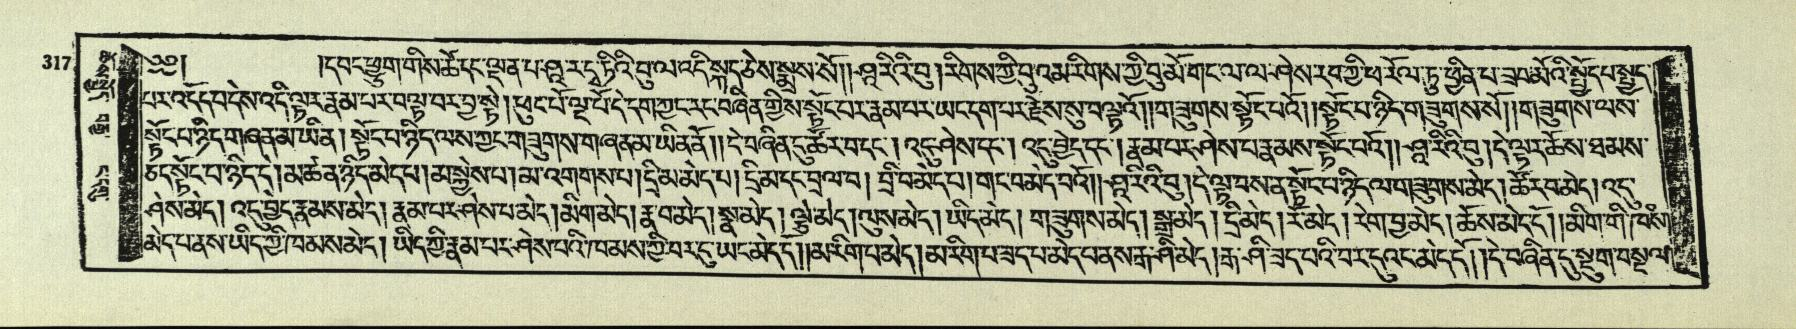༄༅། །དབང་ཕྱུག་གིས་ཚེ་དང་ལྡན་པ་ཤཱ་ར་དྭ་ཏིའི་བུ་ལ་འདི་སྐད་ཅེས་སྨྲས་སོ། །ཤཱ་རིའི་བུ། རིགས་ཀྱི་བུ་འམ་རིགས་ཀྱི་བུ་མོ་གང་ལ་ལ་ཤེས་རབ་ཀྱི་ཕ་རོལ་ཏུ་ཕྱིན་པ་ཟབ་མོའི་སྤྱོད་པ་སྤྱད་
པར་འདོད་པ་དེས་འདི་ལྟར་རྣམ་པར་བལྟ་བར་བྱ་སྟེ། ཕུང་པོ་ལྔ་པོ་དེ་དག་ཀྱང་རང་བཞིན་གྱིས་སྟོང་པར་རྣམ་པར་ཡང་དག་པར་རྗེས་སུ་བལྟའོ། །གཟུགས་སྟོང་པའོ། །སྟོང་པ་ཉིད་གཟུགས་སོ། །གཟུགས་ལས་
སྟོང་པ་ཉིད་གཞན་མ་ཡིན། སྟོང་པ་ཉིད་ལས་ཀྱང་གཟུགས་གཞན་མ་ཡིན་ནོ། །དེ་བཞིན་དུ་ཚོར་བ་དང་། འདུ་ཤེས་དང་། འདུ་བྱེད་དང་། རྣམ་པར་ཤེས་པ་རྣམས་སྟོང་པའོ། །ཤཱ་རིའི་བུ། དེ་ལྟར་ཆོས་ཐམས་
ཅད་སྟོང་པ་ཉིད་དེ། མཚན་ཉིད་མེད་པ། མ་སྐྱེས་པ་། མ་འགགས་པ། དྲི་མ་མེད་པ། དྲི་མ་དང་བྲལ་བ། བྲི་བ་མེད་པ། གང་བ་མེད་བའོ། །ཤཱ་རིའི་བུ། དེ་ལྟ་བས་ན་སྟོང་པ་ཉིད་ལ་གཟུགས་མེད། ཚོར་བ་མེད། འདུ་
ཤེས་མེད། འདུ་བྱེད་རྣམས་མེད། རྣམ་པར་ཤེས་པ་མེད། མིག་མེད། ། རྣ་བ་མེད། སྣ་མེད། ལྕེ་མེད། ལུས་མེད། ཡིད་མེད། གཟུགས་མེད། སྒྲ་མེད། དྲི་མེད། རོ་མེད། རེག་བྱ་མེད། ཆོས་མེད་དོ། །མིག་གི་ཁཾས་
མེད་པ་ནས་ཡིད་ཀྱི་ཁམས་མེད། ཡིད་ཀྱི་རྣམ་པར་ཤེས་པའི་ཁམས་ཀྱི་བར་དུ་ཡང་མེད་དོ། །མ་རིག་པ་མེད། མ་རིག་པ་ཟད་པ་མེད་པ་ནས་རྒ་ཤི་མེད་།རྒ་ཤི་ཟད་པའི་བར་དུའང་མེད་དོ། །དེ་བཞིན་དུ་སྡུག་བསྔལ་